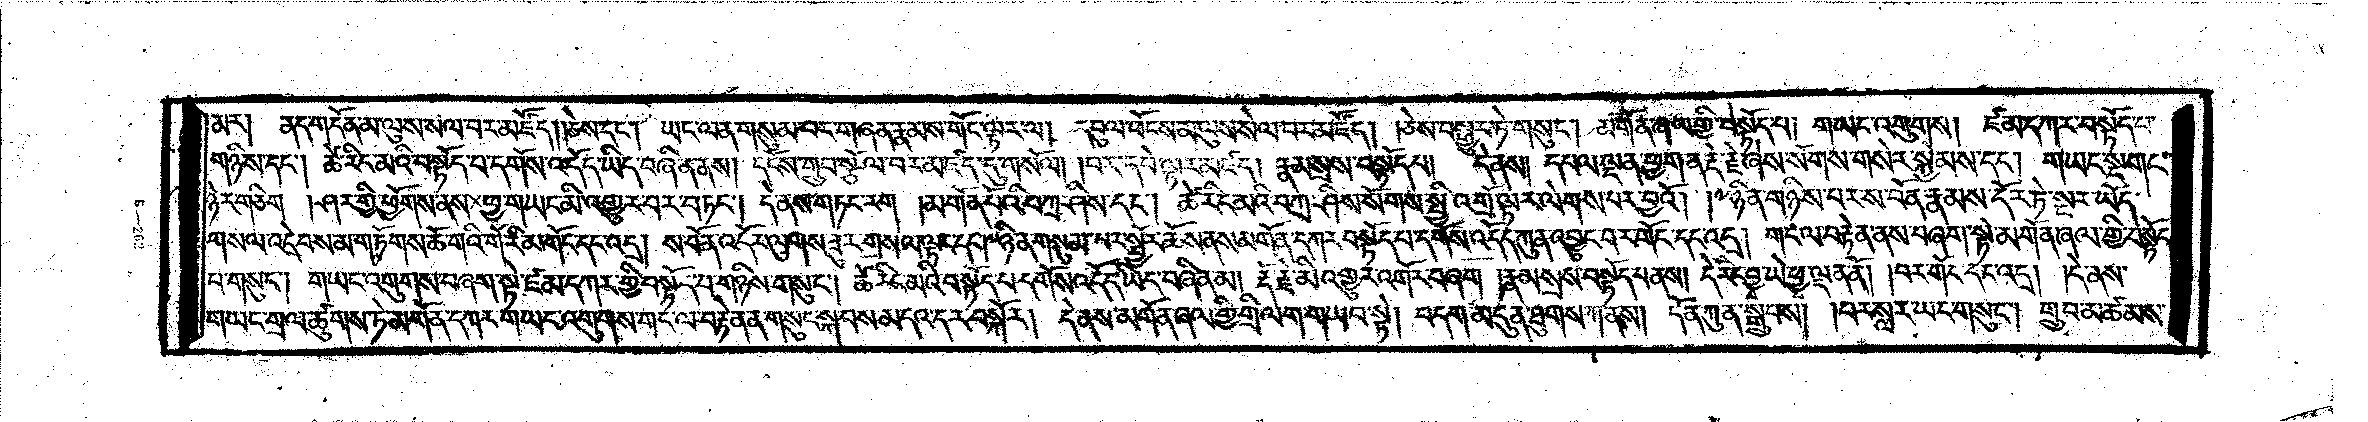མར། ནད་གདོན་མ་ལུས་སེལ་བར་མཛོད། །ཅེས་དང་། ཡང་ལན་གསུམ་བར་གཞན་རྣམས་གོང་ལྟར་ལ། དབུལ་ཕོངས་མ་ལུས་སེལ་བར་མཛོད། །ཅེས་བསྒྱུར་ཏེ་གསུང་། མགོན་ཞལ་གྱི་བསྟོད་པ། གཡང་འགུགས། ཛམ་དཀར་བསྟོད་པ་
གཉིས་དང་། ཚེ་རིང་མའི་བསྟོད་པ་དགོས་འདོད་ཡིད་བཞིན་ནས། དངོས་གྲུབ་སྩོལ་བར་མཛད་དུ་གསོལ། །བར་དཔེ་ལྟར་མཛད་དུ་གསོལ། །བར་དཔེ་ལྟར་མཛད། རྣམ་སྲས་བསྟོད་པ། དེ་ནས། དཔལ་ལྡན་ཕྱག་ན་རྡོ་རྗེ་ཞེས་སོགས་གསེར་སྐྱེམས་དང་། གཡང་སྔགས་
ཉེར་གཅིག །ཤར་གྱི་ཕྱོགས་ནས྾་ཕྱ་གཡང་མི་འགྱུར་བར་བཏང་། དེ་ནས་གཏང་རག །མགོན་པོའི་བཀྲ་ཤིས་དང་། ཚེ་རིང་མའི་བཀྲ་ཤིས་སོགས་སྤྱི་འགྲོ་ལྟར་ལེགས་པར་བྱའོ། །༧་ཉིན་གཉིས་པར་ས་བོན་རྣམས་དོར་ཏེ་སྔར་ཡོད་
གསལ་འདེབས་མ་གཏོགས་ཆོ་གའི་གོ་རིམ་གོང་དང་འདྲ། ས་བོན་འདོར་ལུགས་ཟུར་གསལ་ལྟར་དང་། ༧་ཉིན་གསུམ་པར་སྦྱོར་ཆོས་ནས་མགོན་དཀར་བསྟོད་པ་དགོས་འདོད་ཀུན་འབྱུང་བར་གོང་དང་འདྲ། གང་ལ་བརྟེན་ནས་བཞག་སྟེ་མགོན་ཞལ་གྱི་བསྟོད་
བ་གསུང་། གཡང་འགུགས་བཞག་སྟེ་ཛམ་དཀར་གྱི་བསྟོད་པ་གཉིས་གསུང་། ཚེ་རིང་མའི་བསྟོད་པ་དགོས་འདོད་ཡིད་བཞིན་མ། རྡོ་རྗེ་མི་འགྱུར་འགོར་བཞག །རྣམ་སྲས་བསྟོད་པ་ནས། དེ་རིང་བྱྭ་ཡེ་ཕྱྭ་ལྡན་ནོ། །བར་གོང་དང་འདྲ། །དེ་ནས་
གཡང་གྲལ་ཚུགས་ཏེ་མགོན་དཀར་གཡང་འགུགས་གང་ལ་བརྟེན་ན་གསུང་སྐབས་མདའ་དར་བསྐོར། དེ་ནས་མགོན་ཞལ་གྱི་གྲིལ་ག་གཡབ་སྟེ། བདག་མདུན་ཐུགས་ཀ་ནས། དོན་ཀུན་སྒྲུབས། །བར་སླར་ཡང་གསུང་། གྲུབ་མཚམས་